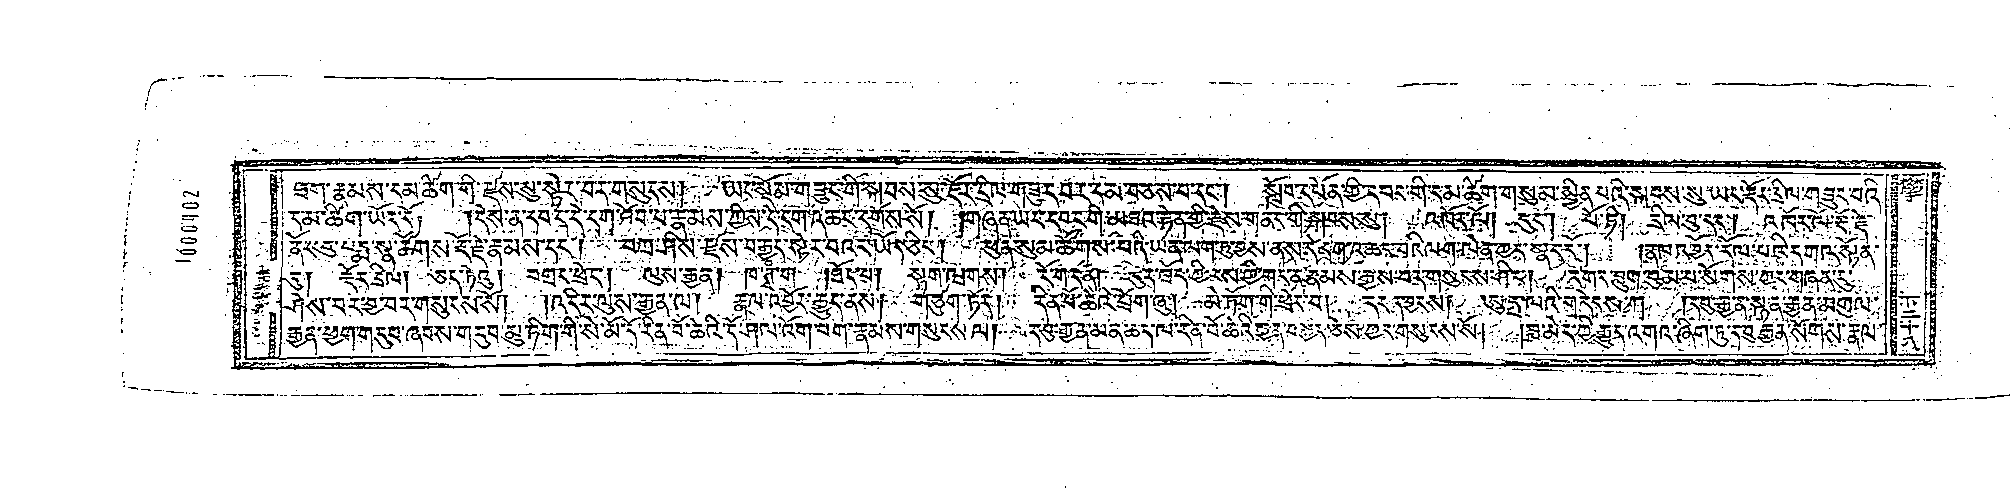ཐག་རྣམས་དམ་ཚིག་གི་རྫས་སུ་སྟེར་བར་གསུངས། ཡང་སྡོམ་གཟུང་གི་སྐབས་སུ་རྡོར་དྲིལ་གཟུང་བར་དམ་བཅས་པ་དང་། སློབ་དཔོན་གྱི་དབང་གི་དམ་ཚིག་གསུམ་སྦྱིན་པའི་སྐབས་སུ་ཡང་རྡོར་དྲིལ་གཟུང་བའི་
དམ་ཚིག་ཡོད་དོ། །དེས་ན་དབང་དེ་དག་ཐོབ་པ་རྣམས་ཀྱིས་དེ་དག་འཆང་དགོས་སོ། །གཞན་ཡང་དབང་གི་མཐའ་རྟེན་གྱི་རྗེས་གནང་གི་སྐབས་སུ། འཁོར་ལོ། དུང་། པོ་ཏི། དྲིལ་བུ་དང་། འཁོར་ལོ་རྡོ་རྗེ་
ནོར་བུ་པདམ་སྣ་ཚོགས་རྡོ་རྗེ་རྣམས་དང་། བཀྲ་ཤིས་རྫས་བརྒྱད་སྟེར་བའང་ཡོད་ཅིང་། ཕུན་སུམ་ཚོགས་པའི་ཡན་ལག་ཏུ་བྱས་ནས་དེ་དག་འཆང་བའི་ལག་ལེན་ཀྱང་སྣང་ངོ། །རྣལ་འབྱོར་རོལ་པའི་དགའ་སྟོན་
དུ། རྡོར་དྲིལ། ཅད་ཏེའུ། བགྲང་ཕྲེང་། ལུས་རྒྱན། ཁ་ཊྭཾ་།ཐོད་པ། སྟག་ལྦགས། དོ་གདན། དུར་ཁྲོད་ཀྱི་རས་ཀྱི་གང་མ་རྣམས་རྒྱས་བར་གསུངས་ཤིང་། དགང་བླུགས་བུམ་པ་སོགས་ཀྱང་གཞན་དུ་
ཤེས་བར་བྱ་བར་གསུངས་སོ། །འདིར་ལུས་རྒྱན་ལ། རྣལ་འབྱོར་རྒྱུད་ནས། གཙུག་ཏོར། རིན་པོ་ཆེའི་པྲོག་ཞུ། མེ་ཏོག་གི་ཕྲེང་བ། དར་དབྱངས། ཨུདཔ་ལའི་གདེངས་ཀ །དབུ་རྒྱན་སྙན་རྒྱན་མགུལ་
རྒྱན་ཕྱག་གདུབ་ཞབས་གདུབ་མུ་ཏིག་གི་སེ་མོ་དོ་རིན་བོ་ཆེའི་དོ་ཤལ་འོག་པག་རྣམས་གསུངས་ལ། དབུ་རྒྱན་མན་ཆད་ལ་རིན་པོ་ཆེའི་རྒྱན་བརྒྱད་ཅེས་ཀྱང་གསུངས་སོ། །བླ་མེད་ཀྱི་རྒྱུད་འགའ་ཞིག་ཏུ་དབུ་རྒྱན་སོགས་རྣལ་